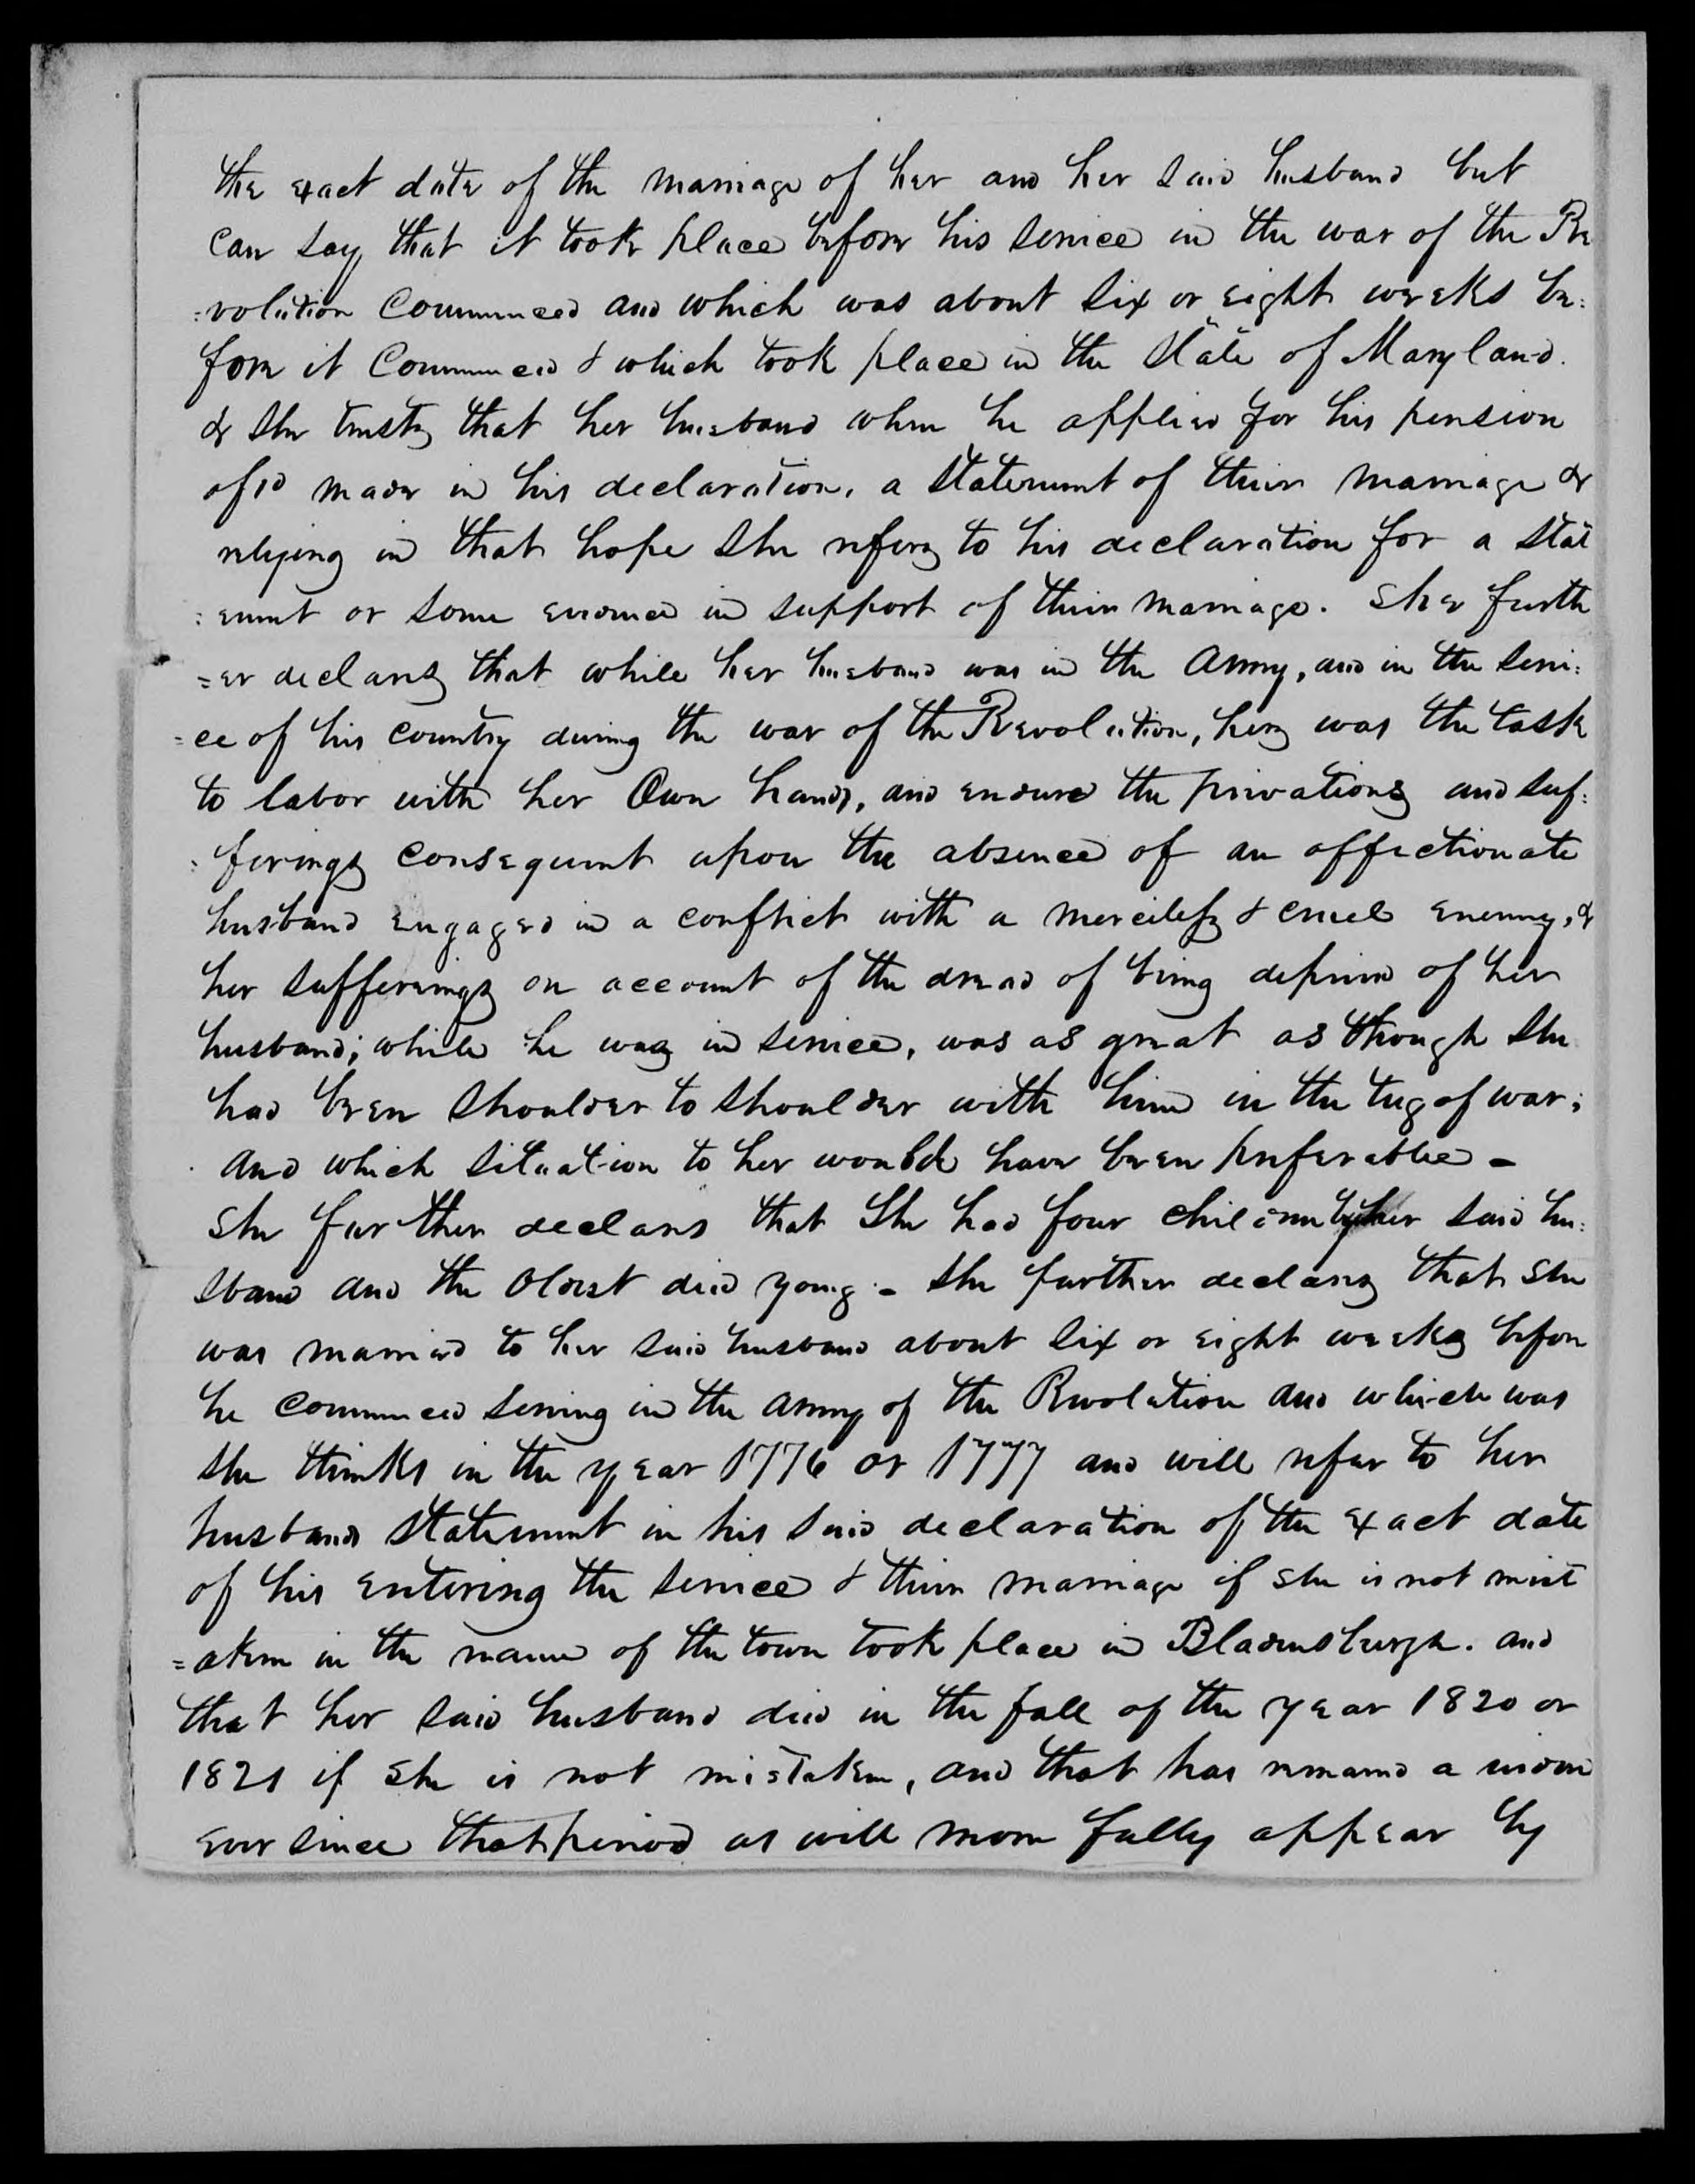the exact date of the marriage of her and her said husband but can say that it took place before his service in the war of the Revolution commenced and which was about six or eight weeks before it commenced which took place in the state of Maryland and she trusts that her husband when he applied for his pension also made in his declaration a statement of their marriage or relying in that hope she refers to the declaration for a statement or some evidence in support of their marriage. She further declared that while her husband was in the Army and in the service of his country during the war of the Revolution hers was the task to labor with her own hands, and endure the privations and sufferings consequent upon the absence of the affectionate husband engaged in a conflict with a merciless and cruel enemy and her sufferings on account of the dread of being deprived of her husband; while he was in service was as great as though she had been shoulder to shoulder with him in the tug of war, and which situation to her would have been preferable. She further declares that she had four children by her said husband and the oldest died young. She further declares that she was married to her said husband about six or eight weeks before he commenced serving in the army of the Revolution and which was she thinks in the year 1776 or 1777 and will refer to her husbands statement in his said declaration of the exact date of his entering the service and their marriage if she is not mistaken in the name of the town took place in Bladensburgh. And that her said husband died in the fall of the year 1820 or 1821 if she is not mistaken, and that has remained a widow ever since that period as will more fully appear by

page: 16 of 78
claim: widow's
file: W. 25,169, for Daniel Sullivan, Maryland